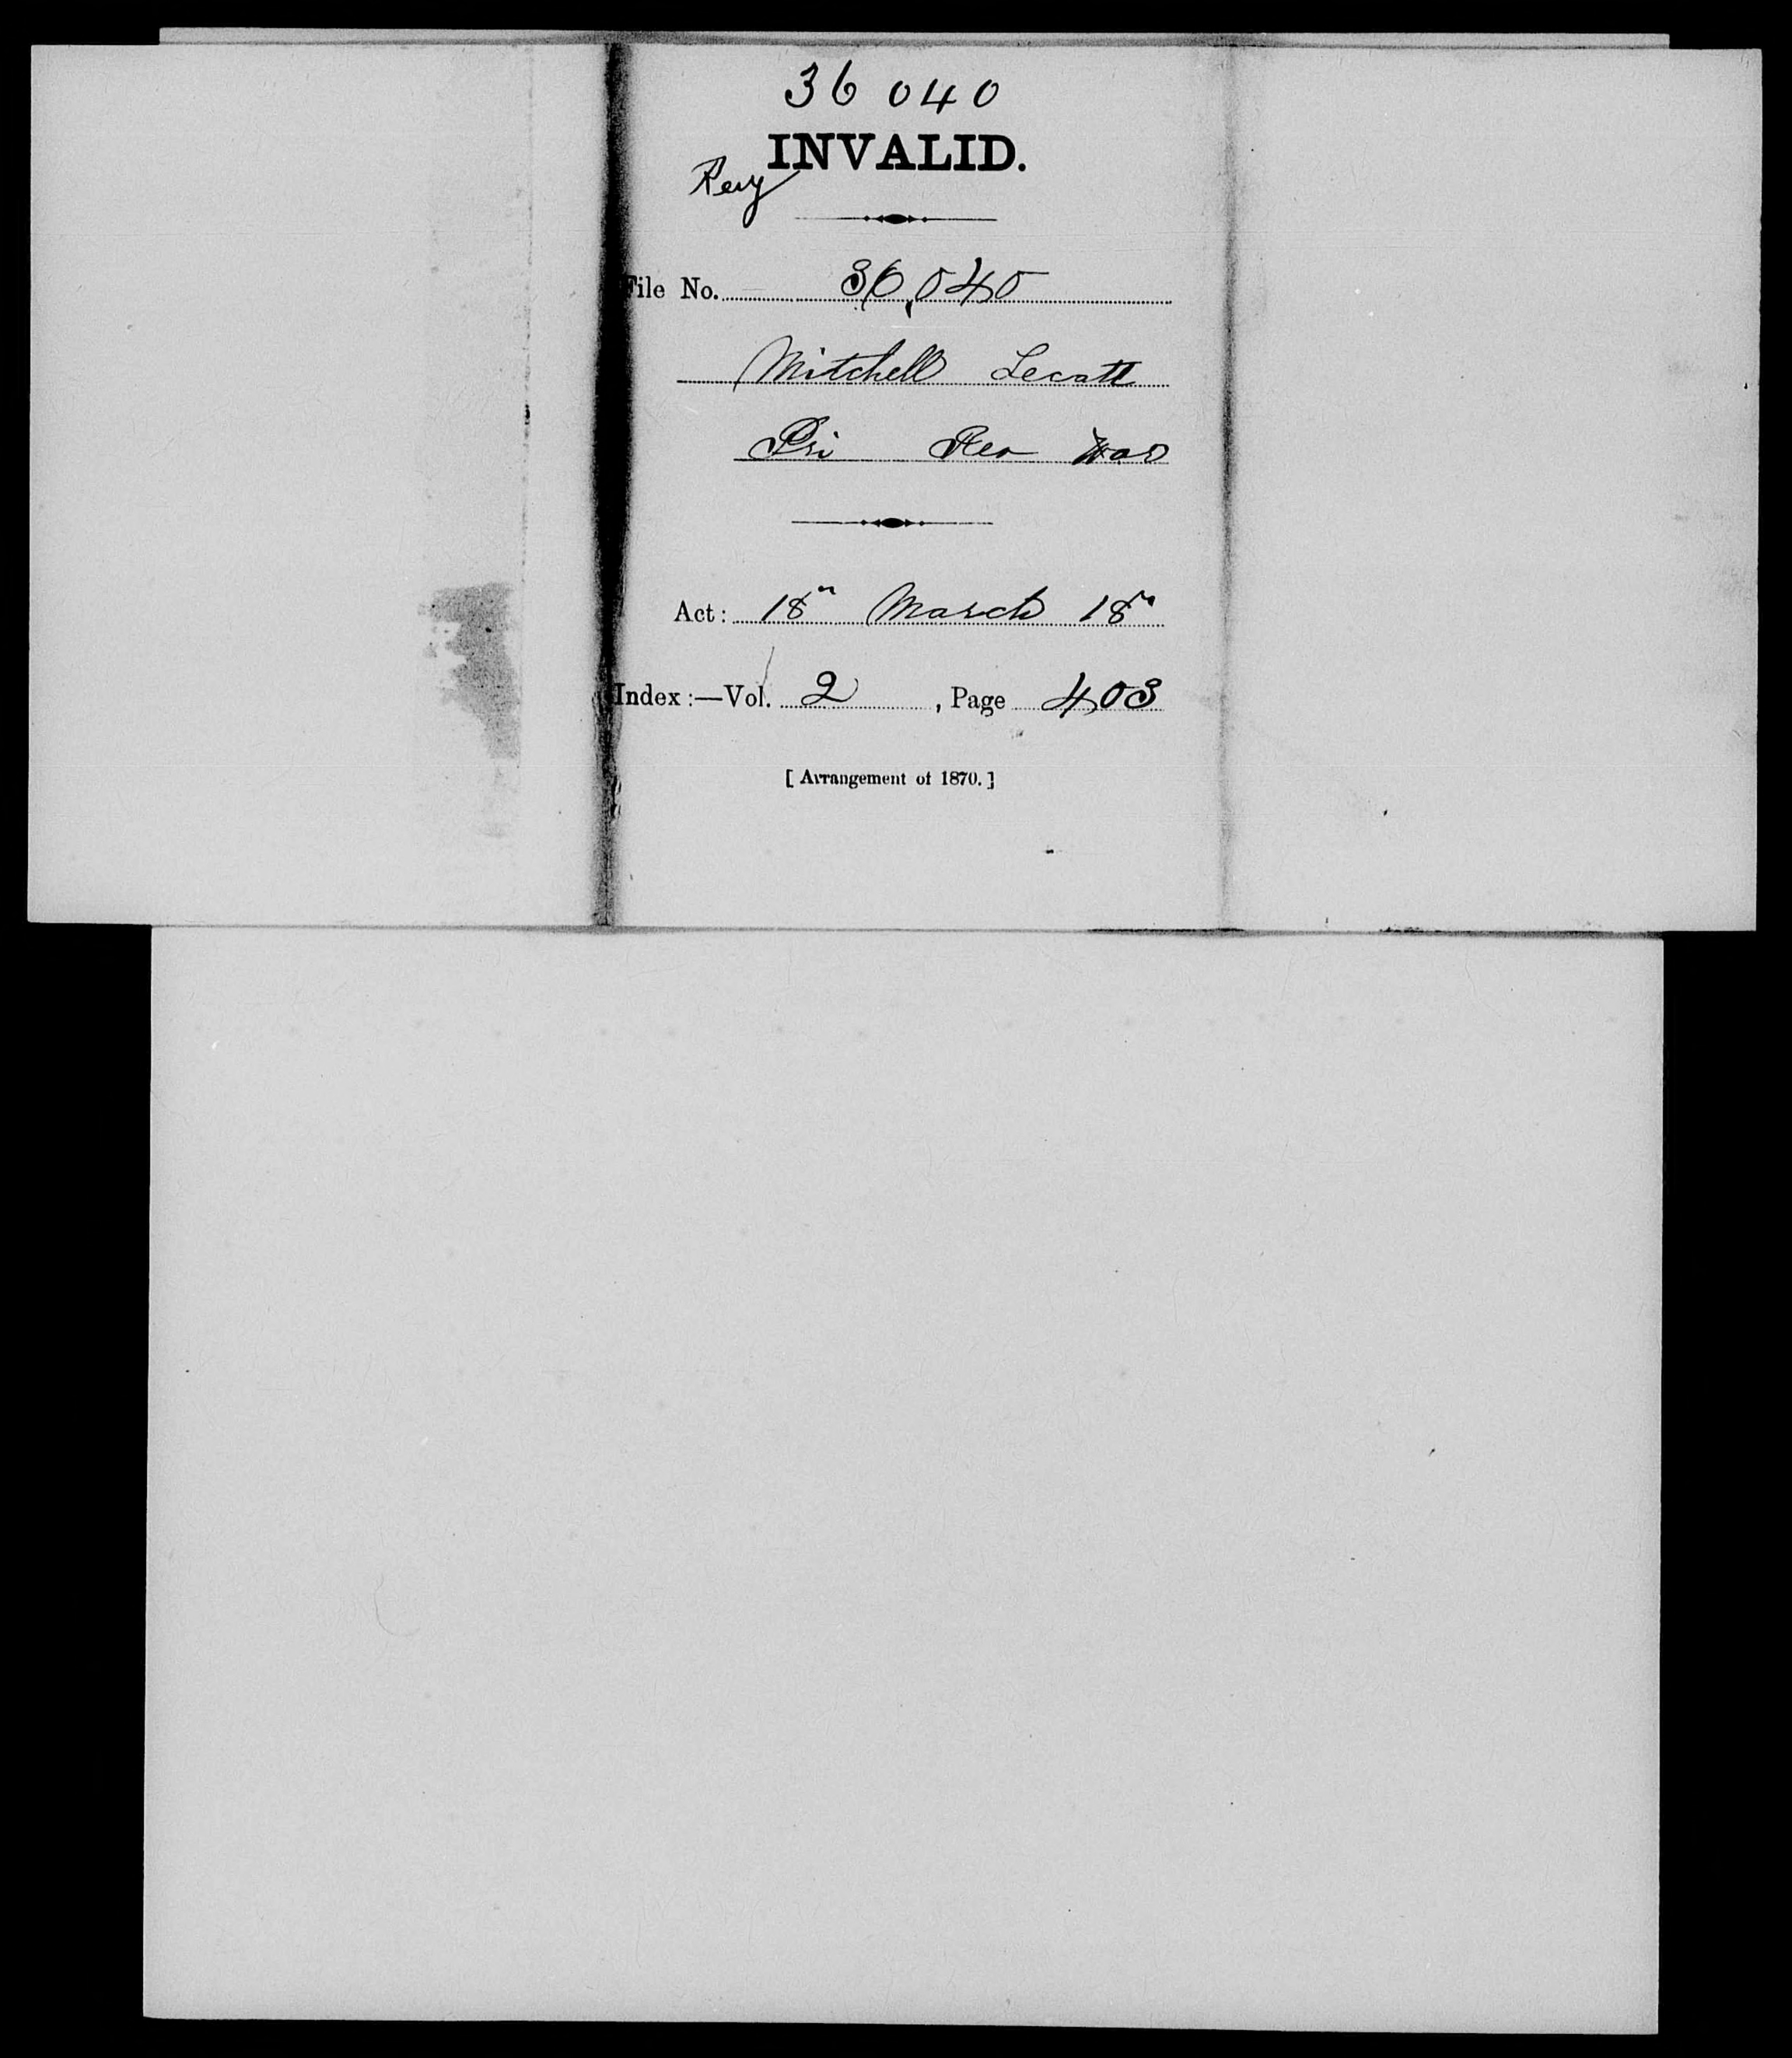36040
INVALID.
Revy
File No. 36,040
Mitchell Lecatt
Pri Rev War
Act: 18th March 18
Index: - Vol. 2, Page 403
[Arrangement of 1870.]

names: Mitchell Lecatt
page: 11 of 12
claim: survivor's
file: S. 36,040, for Mitchell Lecatt, Delaware